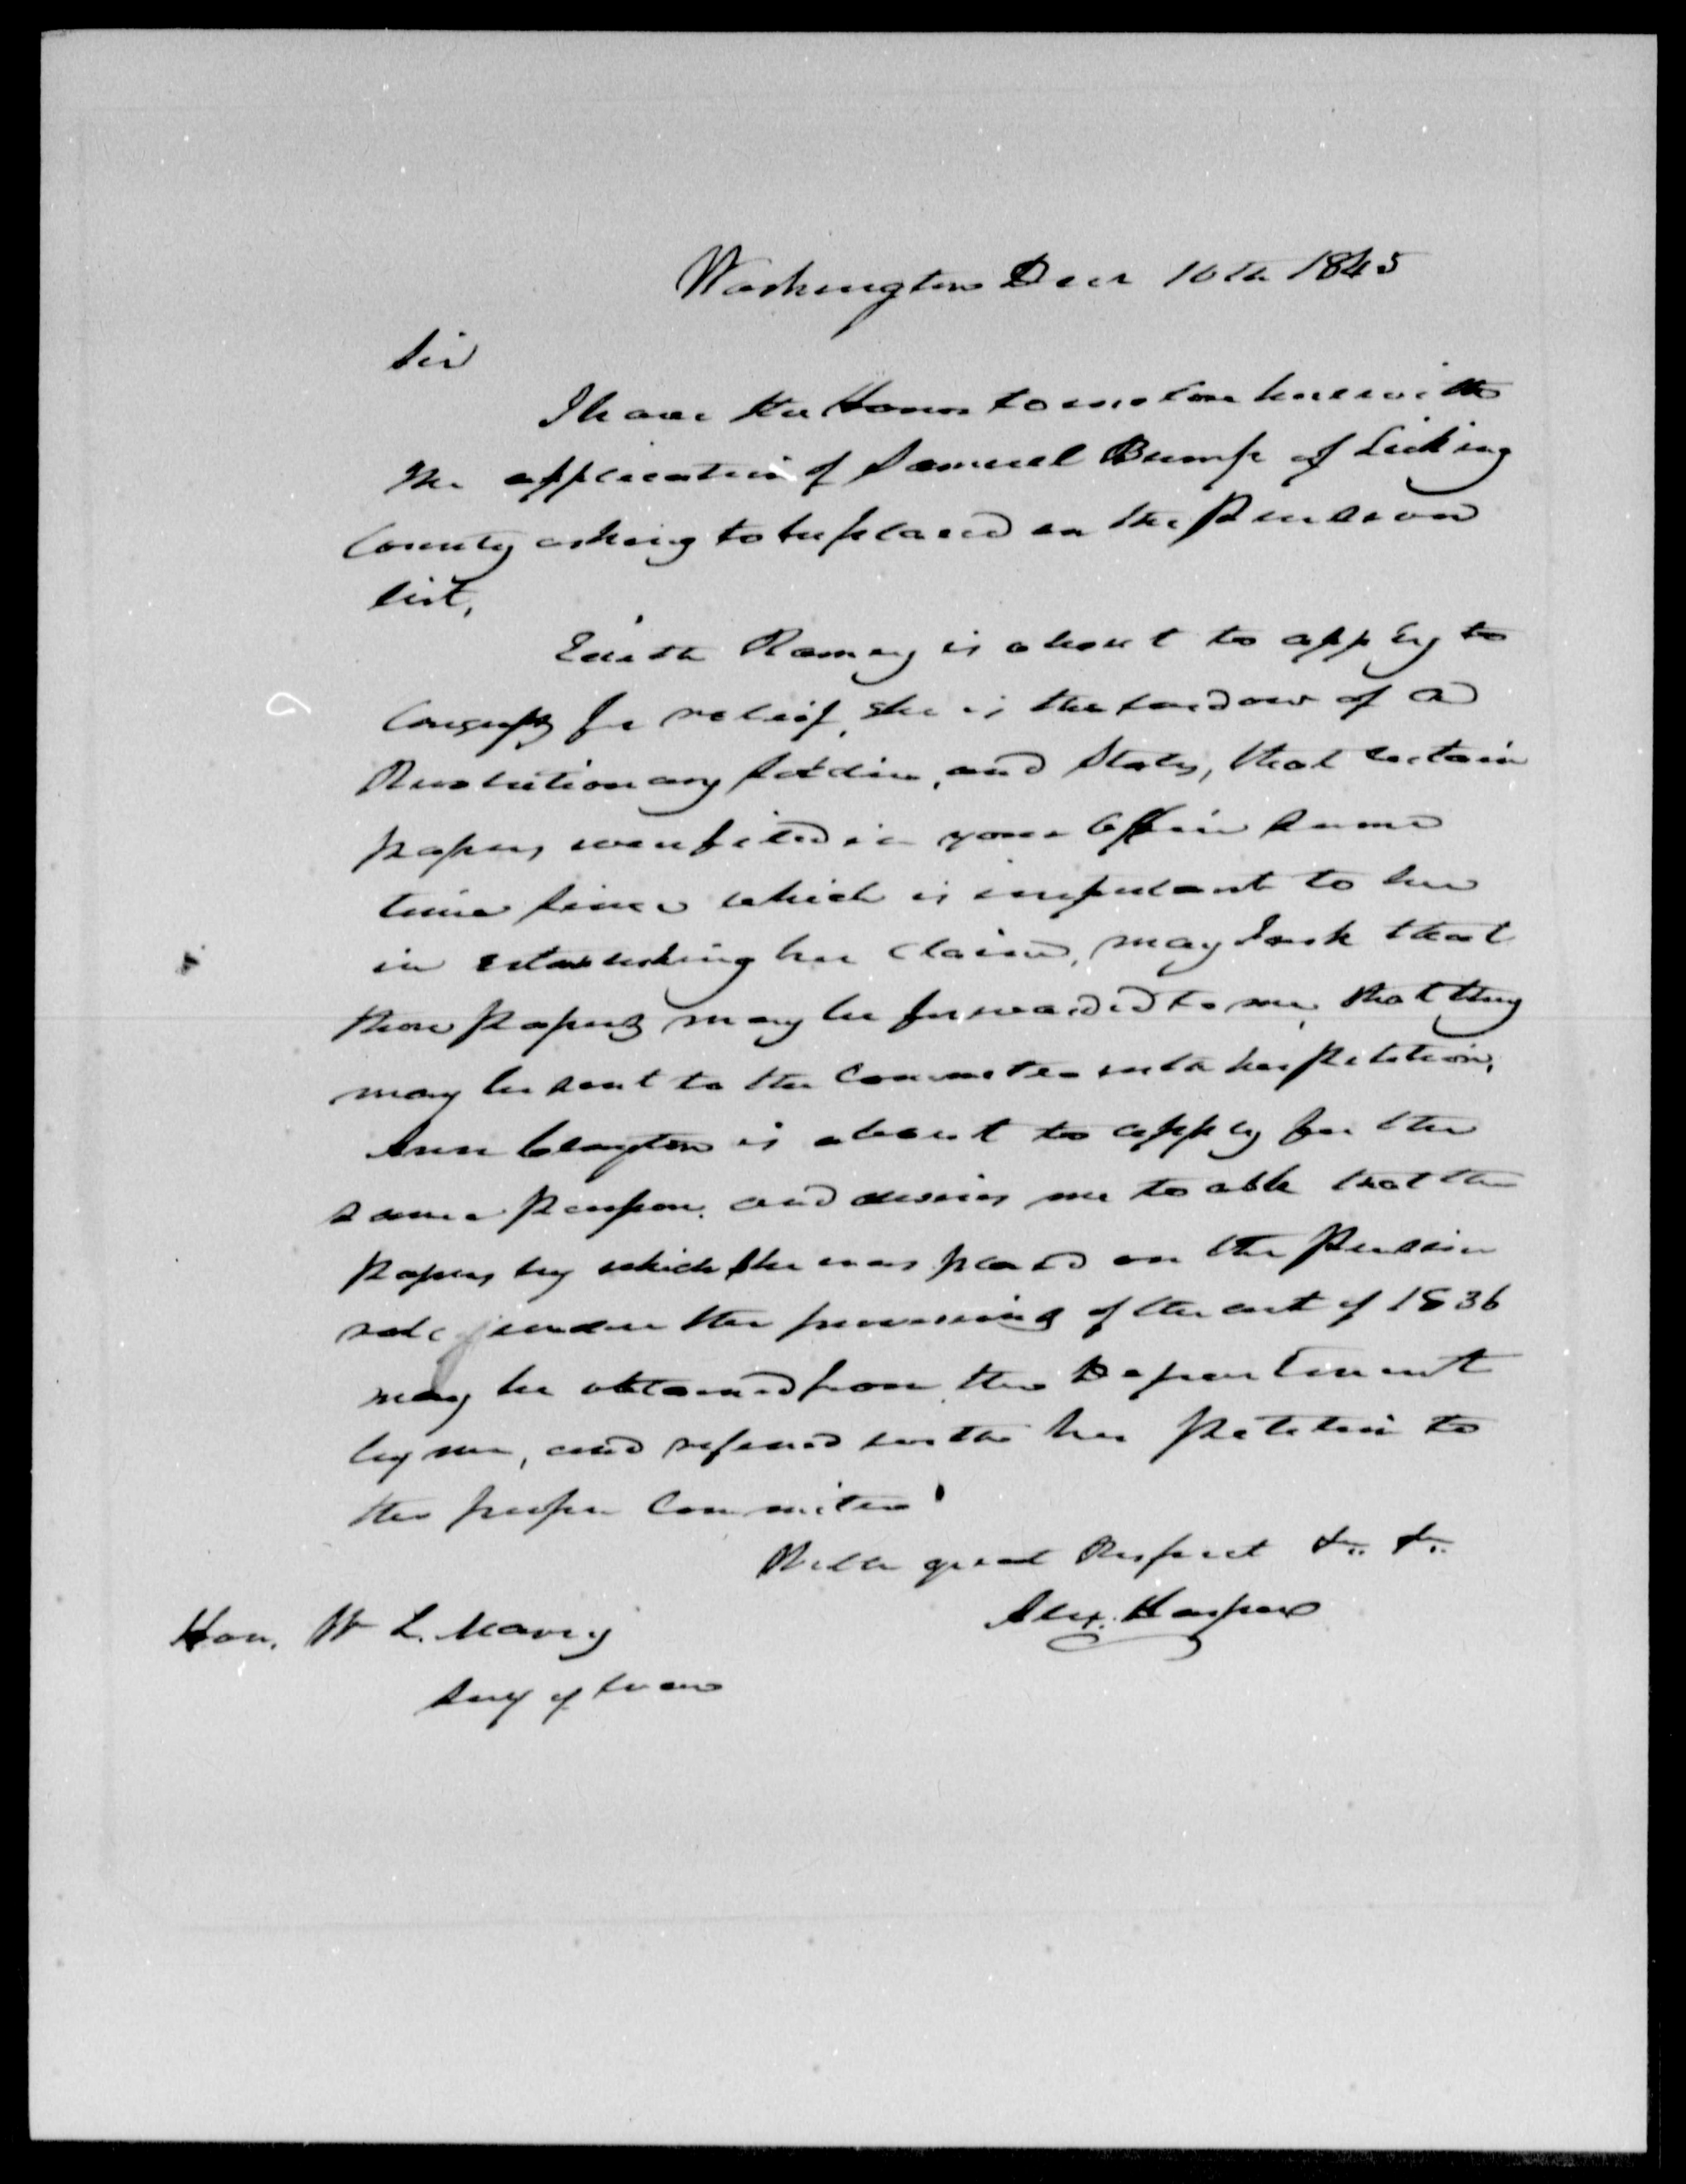Washington Decr 10th 1845
Sir
I have the Honor to enclose herewith the application of Samuel Bump of Licking County asking to be placed on the pension list,
Edith Ramey is about to apply to Congress for relief, she is the widow of a Revolutionary soldier, and States, that certain papers were filed in your Office some time since which is important to her in entertaining her claim, may I ask that those papers may be forwarded to me that they may be sent to the Committee with her petition,
Ann Clayton is about to apply for the same papers and desires me to ask that the papers by which she was placed on the Pension roll under the provisions of the act of 1836 may be obtained from the Department by me, and referred with her petition to the proper Committee
With great Respect &c &c
Alex. Harper
Hon. W L. Marcy
Secy of War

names: Ann Clayton; Edith Ramey; Alex Harper; Samuel Bump; W L Marcy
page: 34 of 84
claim: widow's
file: W.11104, for John Remay, Virginia